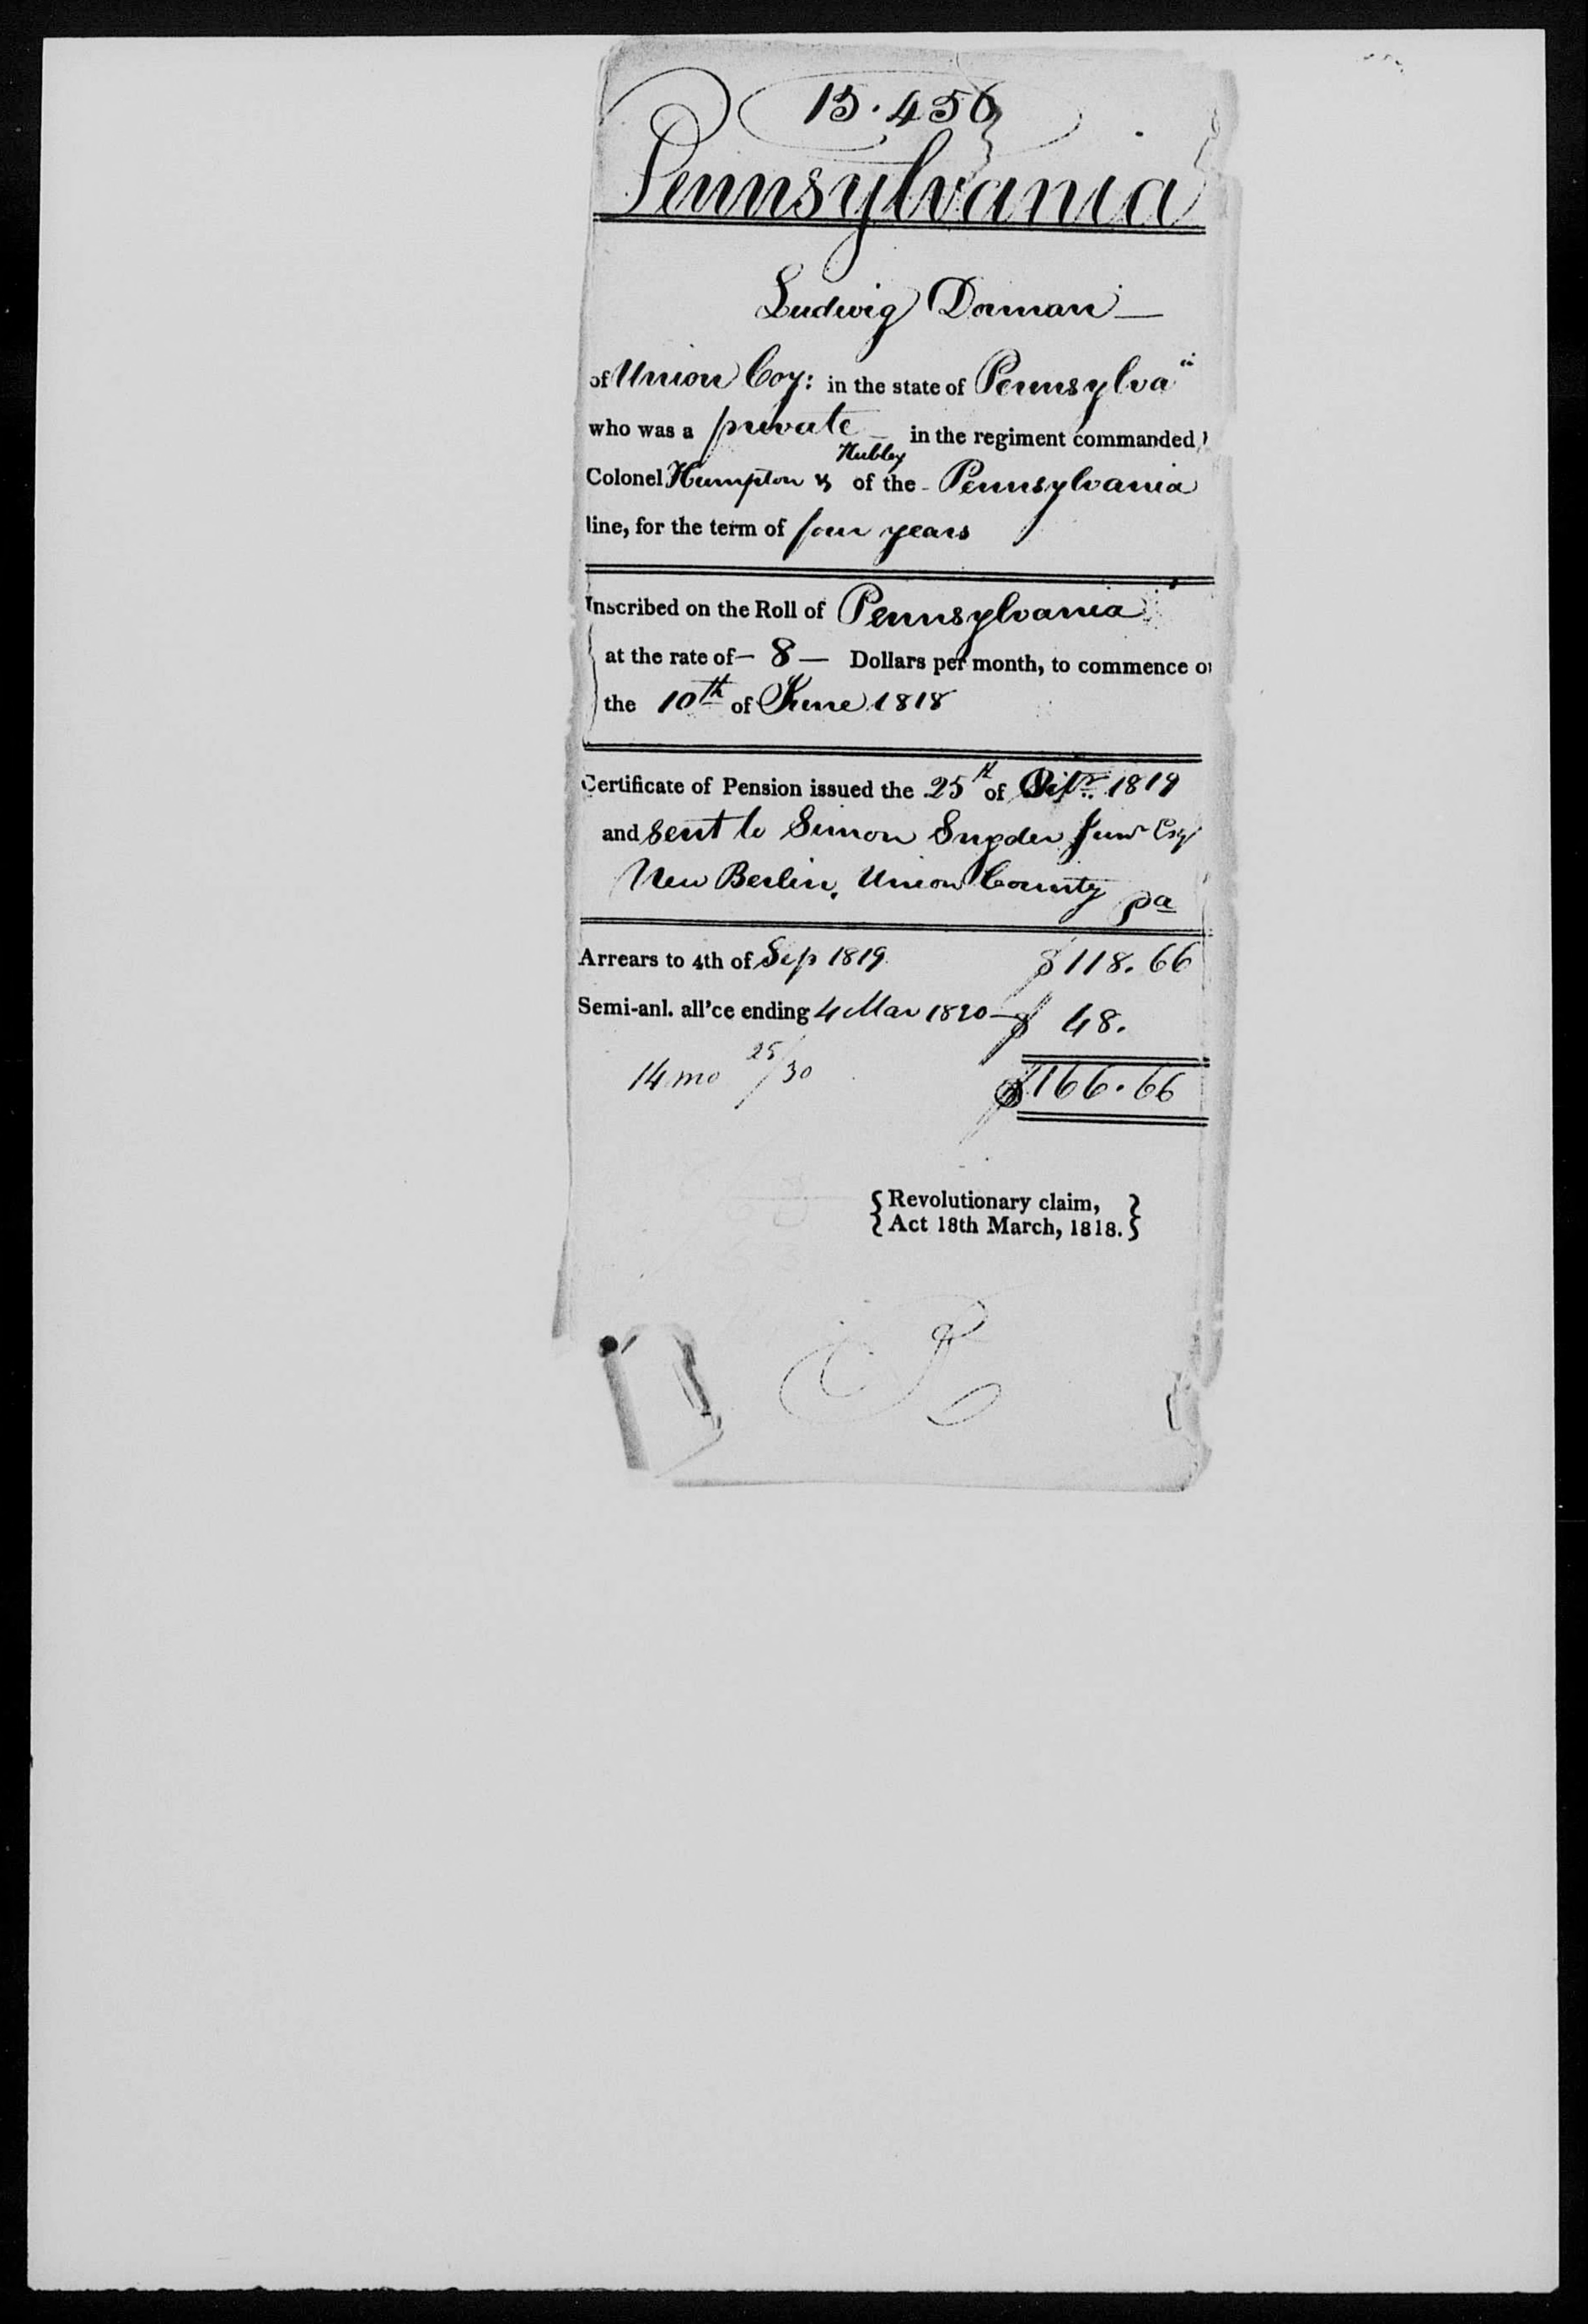15.456     
Pennsylvania           
Ludwig Dorman of Union Coy: in the state of Pennsylvania who was a private in the regiment commanded by Colonel Humpton & Hubley of the Pennsylania line, for the term of four years     
Inscribed on the roll of Pennsylvania at the rate of 8 Dollars per month, to commence on the 10th of June 1818                
Certificate of Pension issued the 25th of Septr, 1819 and sent to Simon Snyder Junr Esq New Berlin, Union County Pa           
Arrears to the of Sep 1819     $118.66              
Semi-anl. all'ce ending 4 Mar 1820  $48.               
14 mo 25/30                $166.66               
{Revolutionary claim, Act 18th March, 1818}
R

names: Ludwig Dorman, Hubley, Simon Snyder, Humpton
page: 2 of 16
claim: survivor's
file: S. 42,175, Ludwig Dorman, Penn.